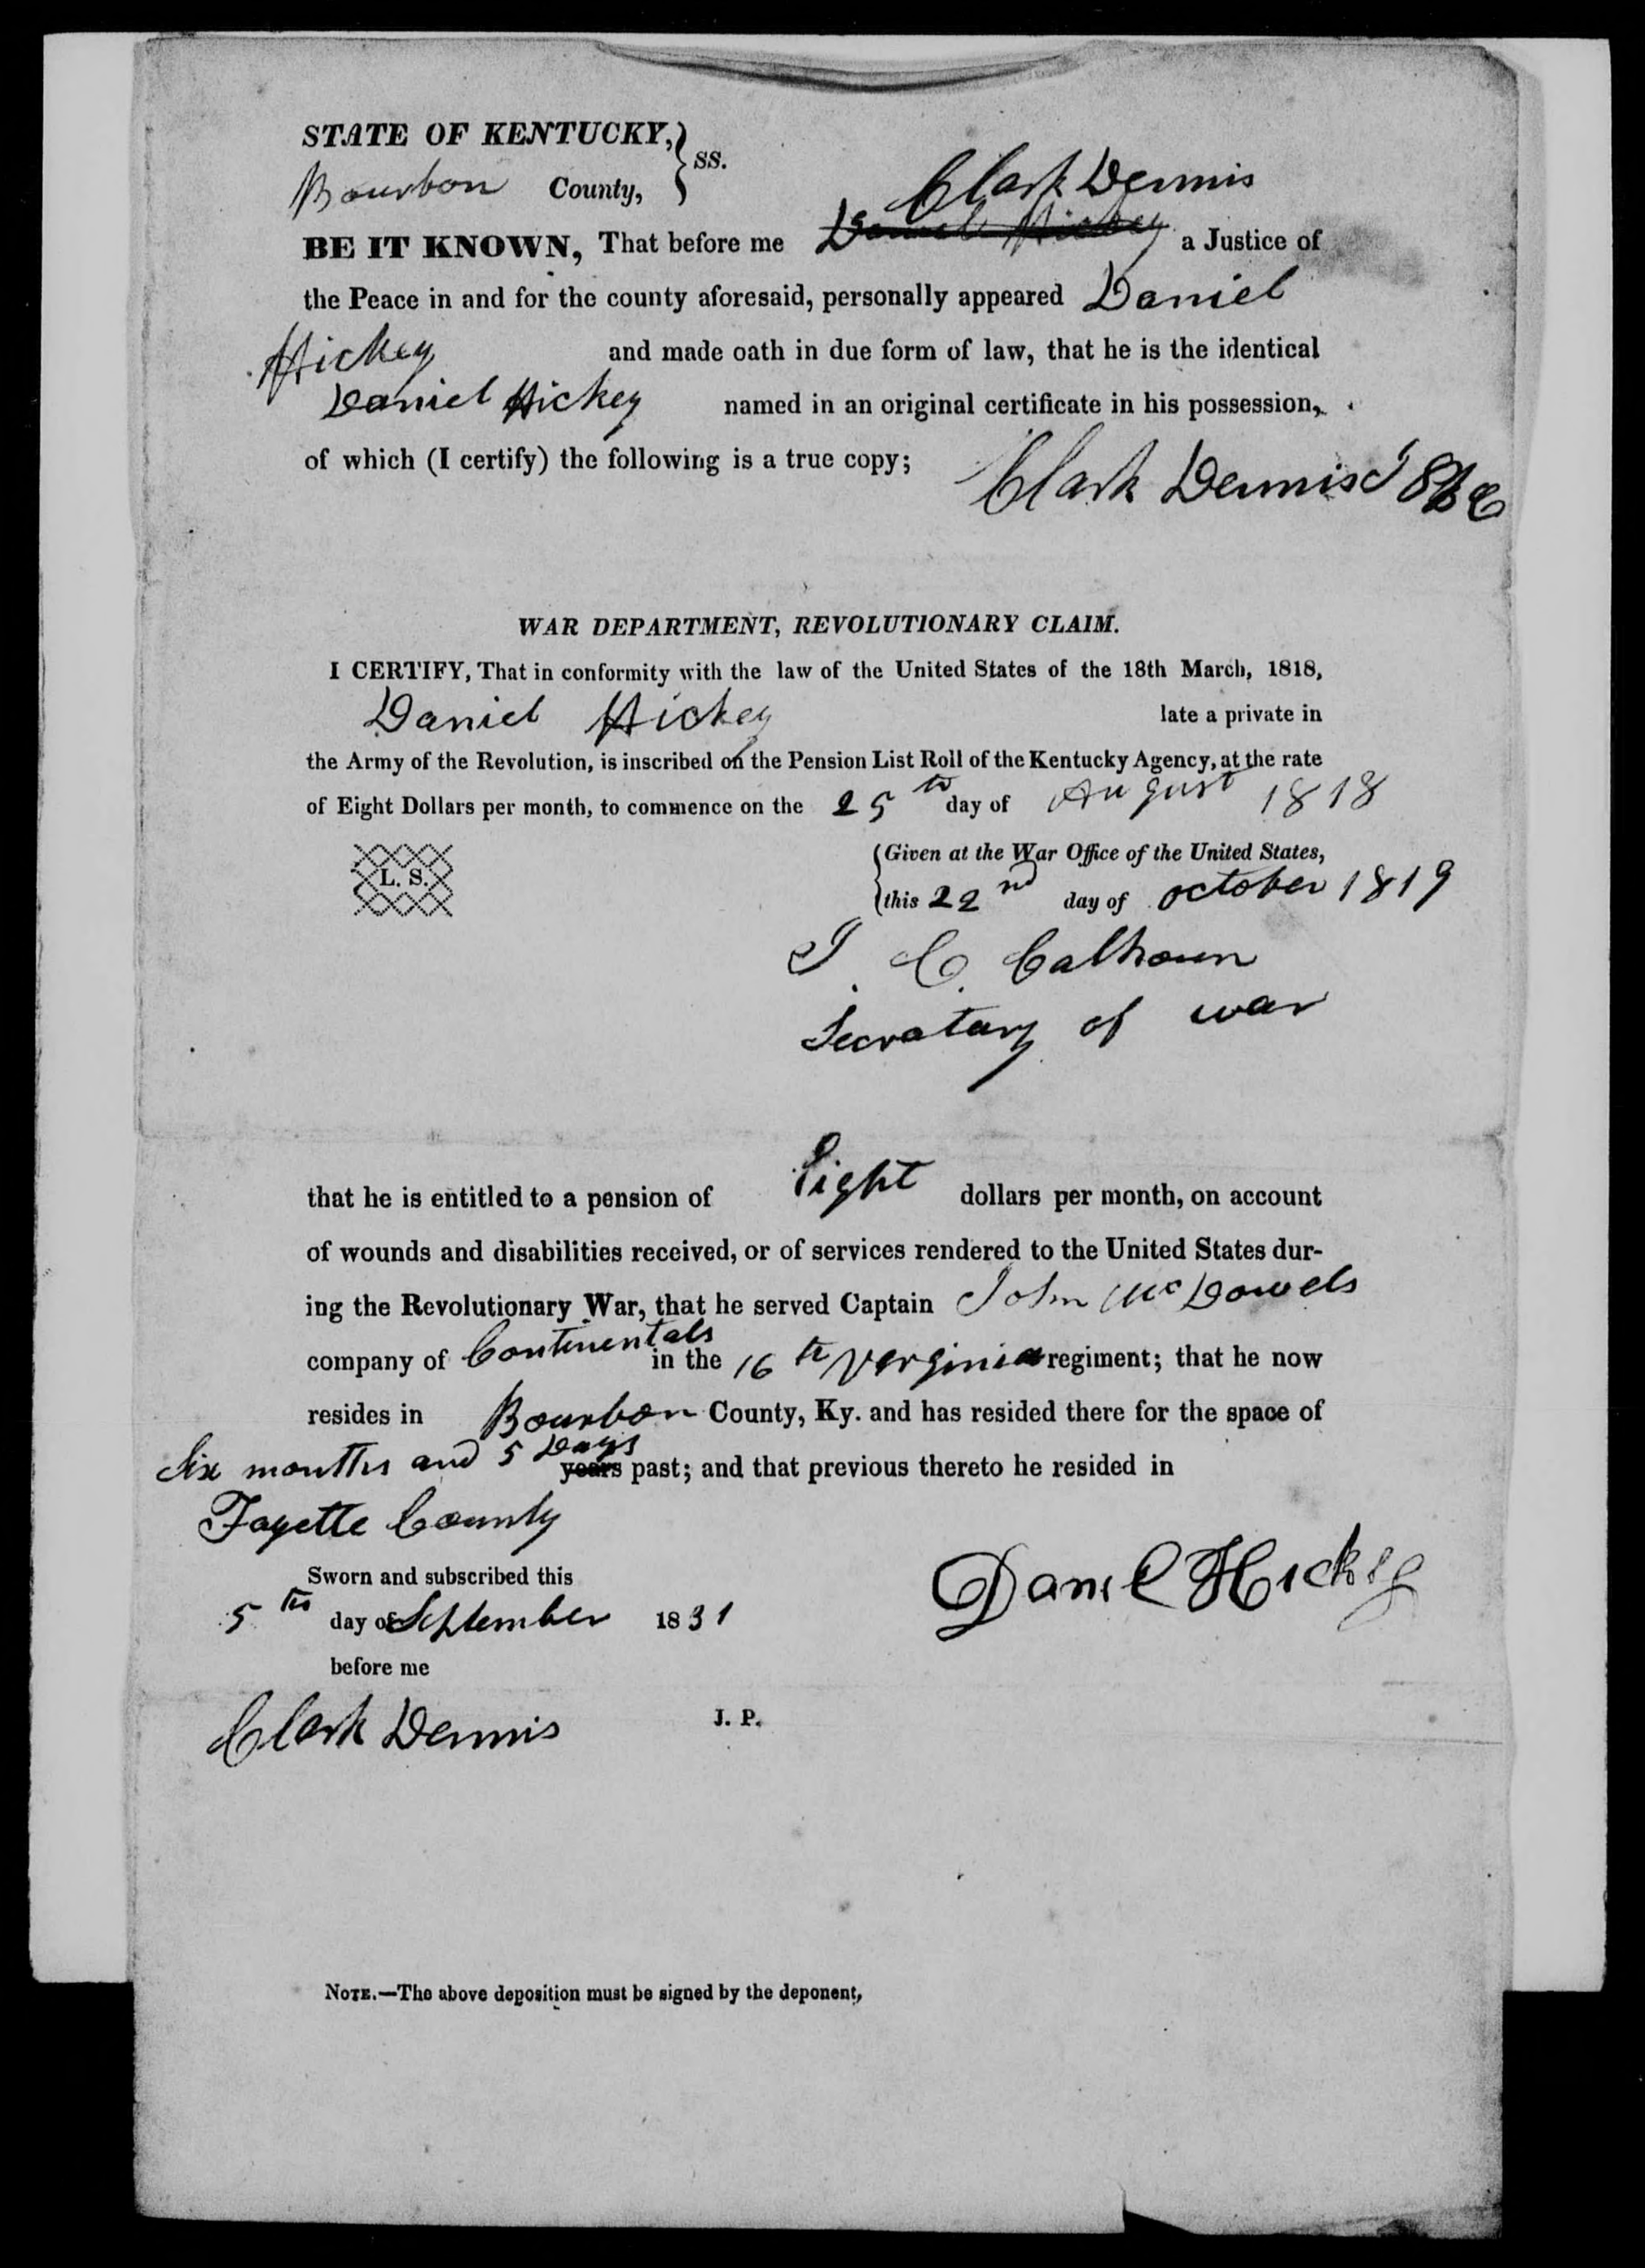STATE OF KENTUCKY,
Bourbon County, SS
BE IT KNOWN, That before me Clark Dennis
a Justice of the Peace in and for the county aforesaid, personally appeared Daniel
Hickey and made oath in due form of law, that he is the identical Daniel Hickey named in an original certificate in his possession,
of which (I certify) the following is a true copy:
Clark Dennis JPBC
WAR DEPARTMENT, REVOLUTIONARY CLAIM.
I CERTIFY, That in conformity with the law of the United States of the 18th March, 1818,
Daniel Hickey late a private in the Army of the Revolution, is inscribed on the Pension List Roll of the Kentucky Agency, at the rate of Eight Dollars per month, to commence on the 25th day of August 1818
L.S.
Given at the War Office of the United States,
this 22nd day of October 1819
J. C. Calhoun
Secretary of war
that he is entitled to a pension of Eight dollars per month, on account of wounds and disabilities received, or of services rendered to the United States during the Revolutionary War, that he served Captain John McDowels
company of Continentals in the 16th Virginia regiment; that he now resides in Bourbon County, Ky. and has resided there for the space of six months and 5 days past; and that previous thereto he resided in
Fayette County
Daniel Hickey
Sworn and subscribed this
5th day of September 1831
before me
Clark Dennis J.P.
NOTE. -- The above deposition must be signed by the deponent,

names: Clark Dennis, Danil Hickey, Daniel Hickey, Clark Dennis, Daniel Hickey, Daniel Hickey, Clark Dennis, J C Calhoun, John Mc Dowels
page: 47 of 84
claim: widow's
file: W. 7744, Daniel Hickey, Penn.